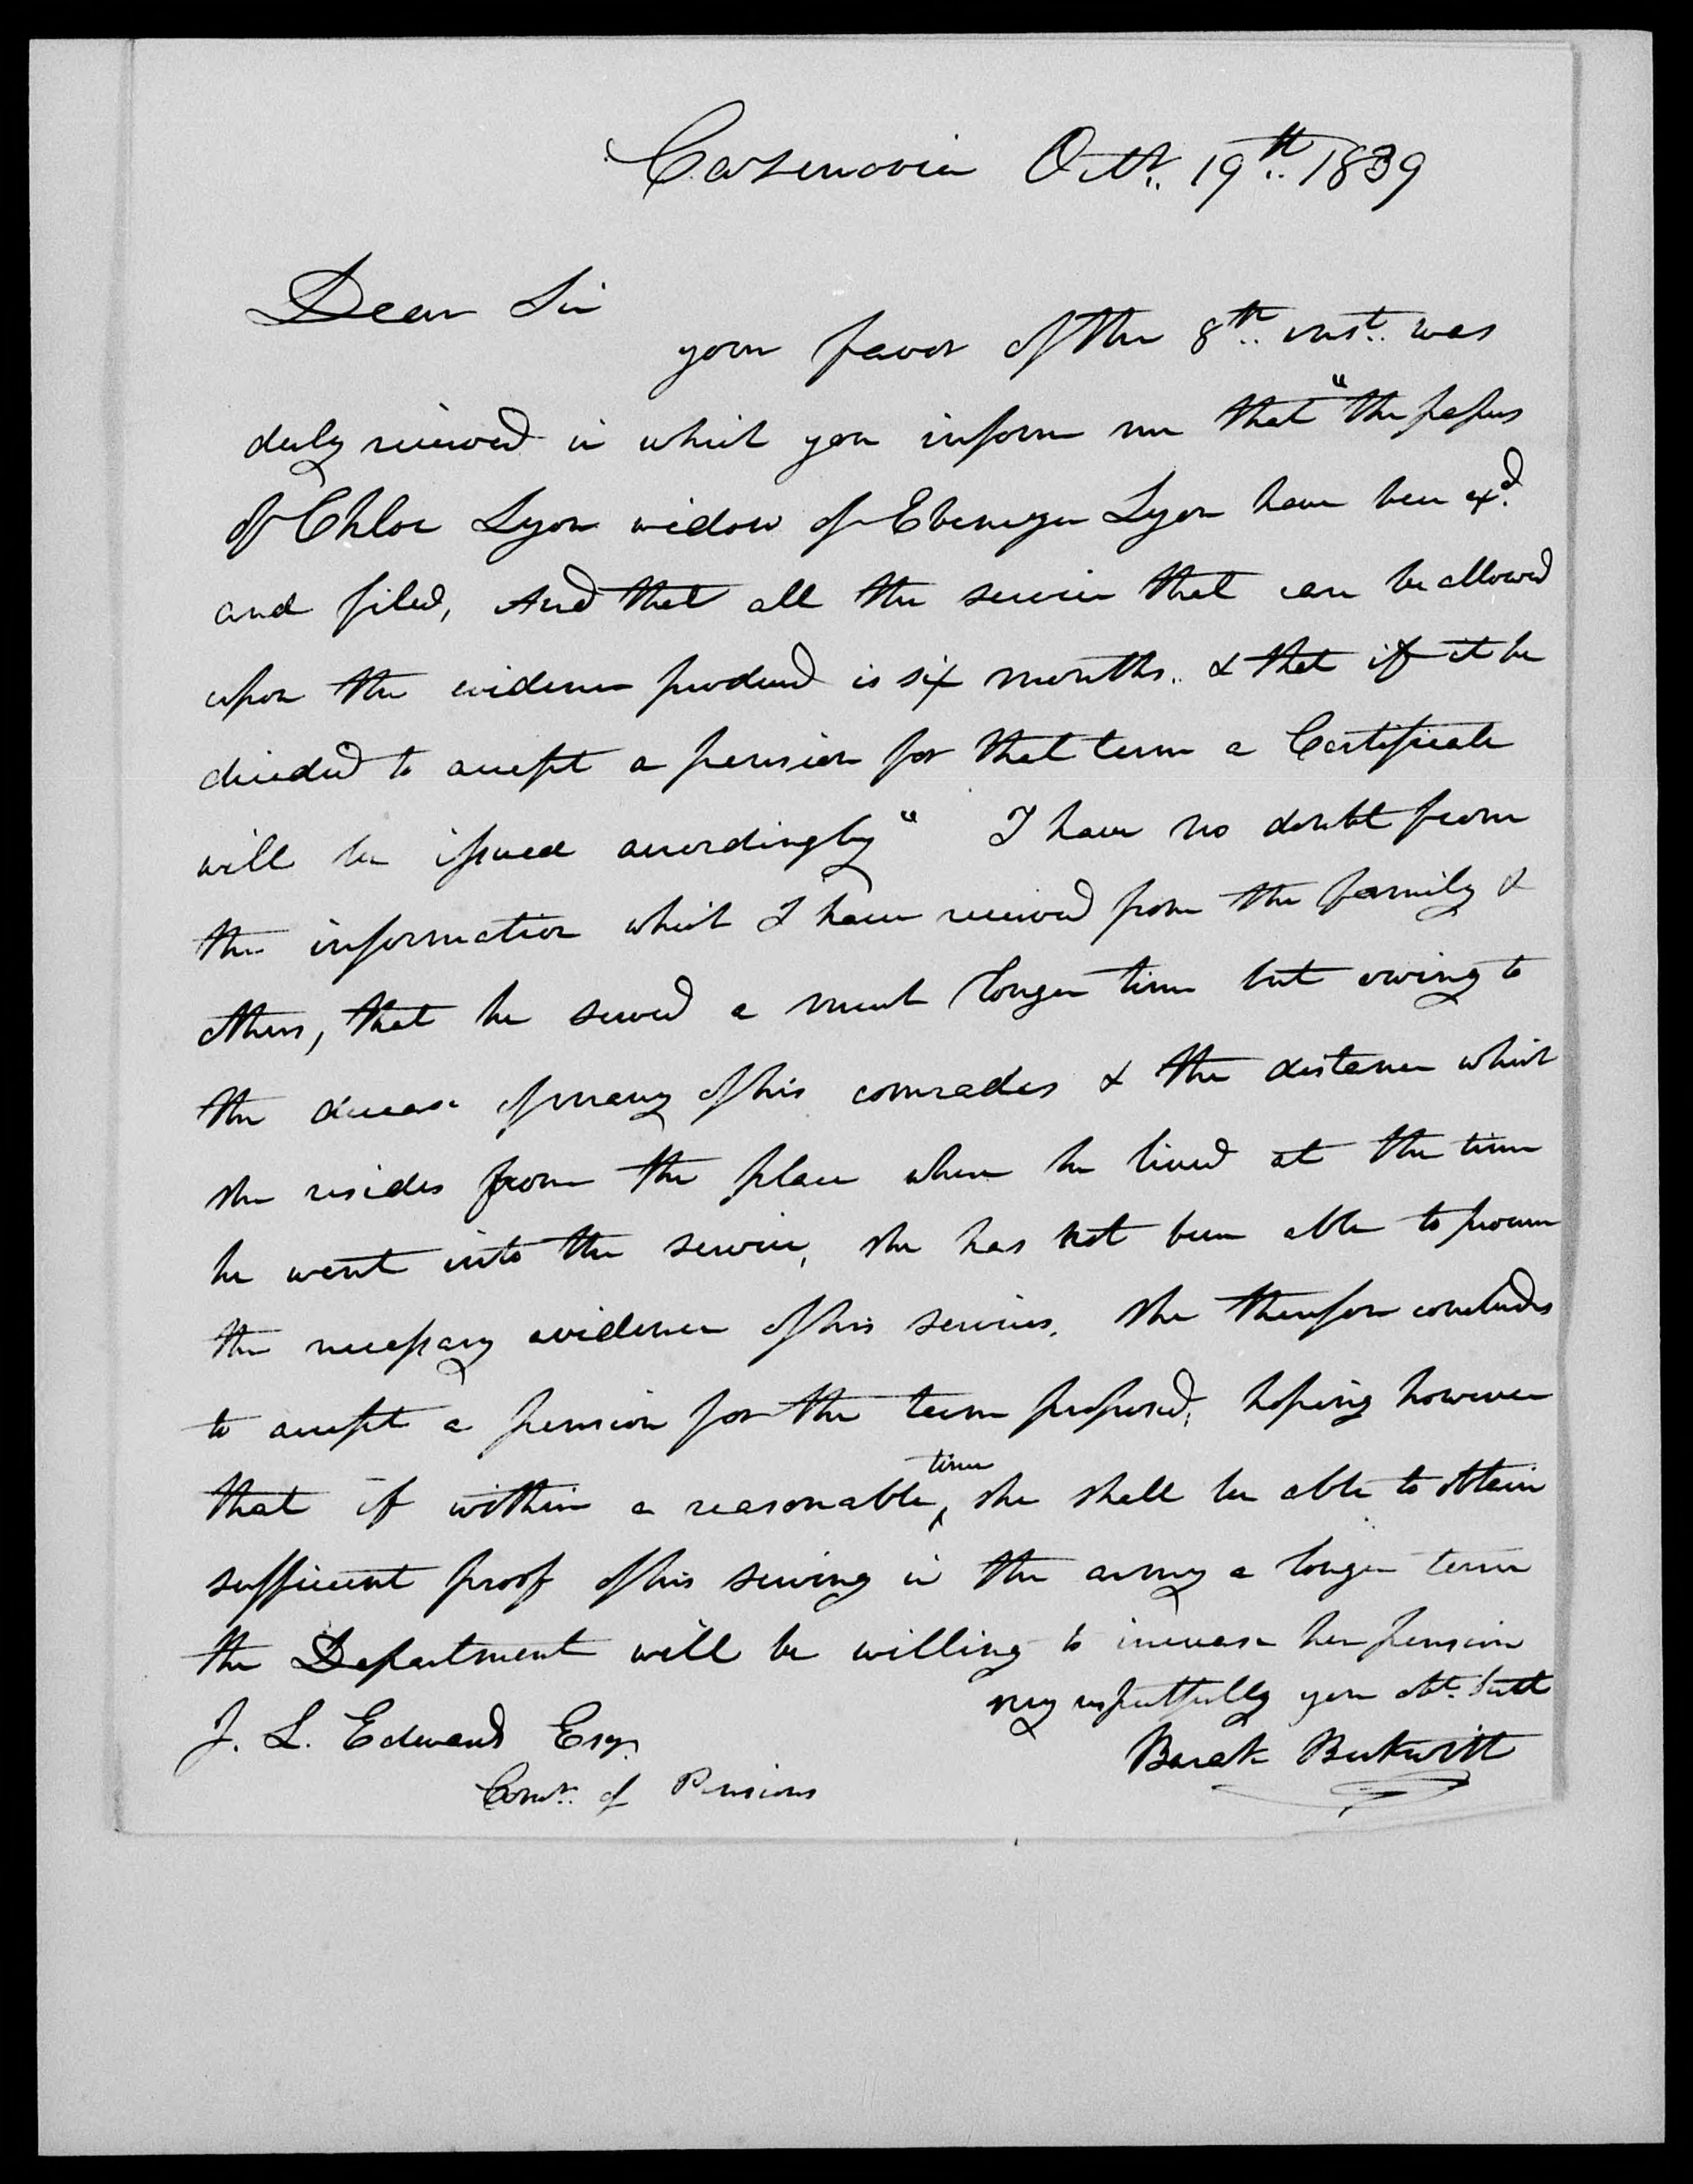Cazenovia Octr 19th 1839
Dear Sir
your favor of the 8th inst was duly received in which you inform me that "the papers of Chloe Lyon widow of Ebenezer Lyon have been exd and filed, And that all the service that can be allowed upon the evidence produced is six months & that if it be decided to accept a pension for that term a Certificate will be issued accordingly" I have no doubt from the information which I have received from the family & others, that he served a much longer time but owing to the decease of many of his comrades & the distance which she resides from the place where he lived at the time he went into the service, she has not been able to procure the necessary evidence of his services, she therefore concludes to accept a pension for the term proposed, hoping however that if within a reasonable time she shall be able to obtain sufficient proof of his serving in the army a longer term the Department will be willing to increase her pension
very respectfully your obt Sert
Barak Beckwith

J. L. Edward Esq.
Comr of Pensions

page: 29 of 40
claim: widow's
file: W. 24,615, for Ebenezer Lyon, Connecticut